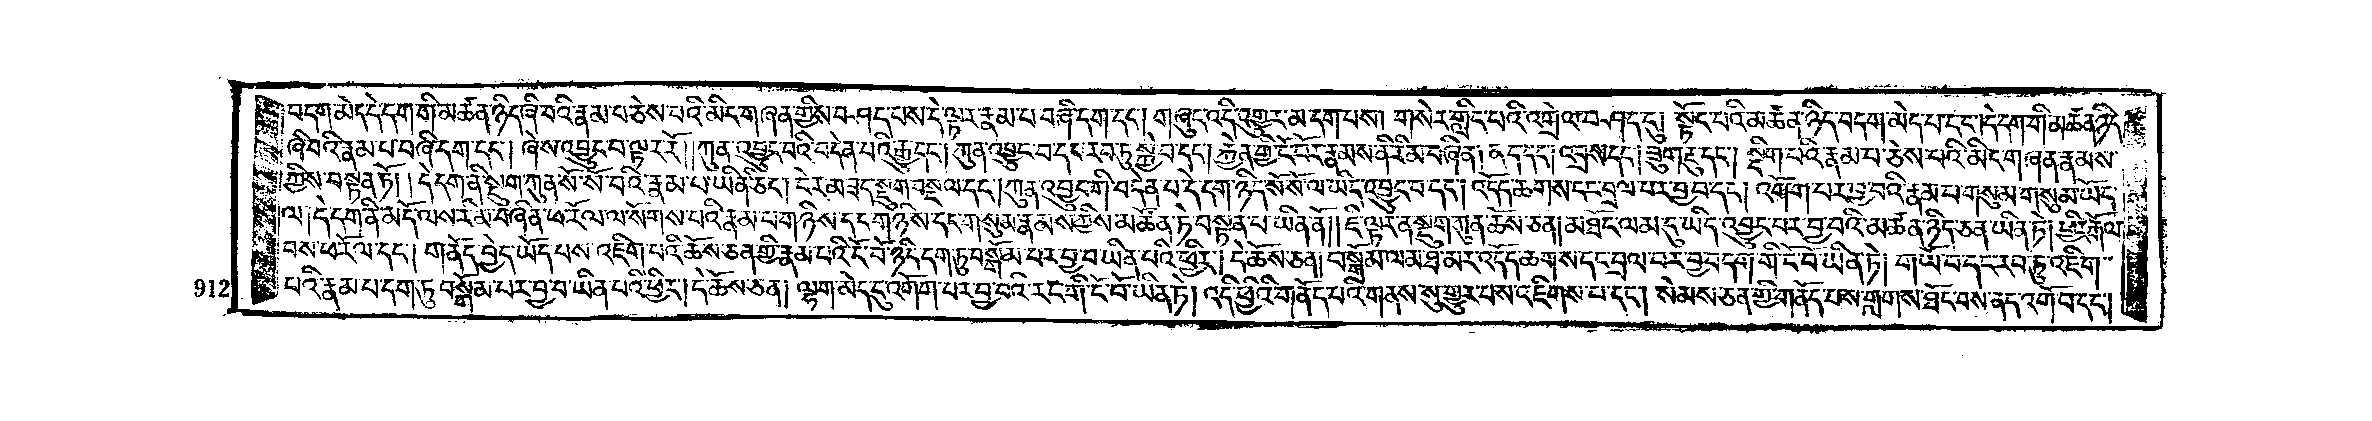བདག་མེད་དེ་དག་གི་མཚན་ཉིད་ཞི་བའི་རྣམ་པ་ཅེས་པའི་མིང་གཞན་གྱིས་བཤད་པས་དེ་ལྟར་རྣམ་པ་བཞི་དག་དང་། གཞུང་འདི་འགྱུར་མ་དག་པས། གསེར་གླིང་བའི་འགྲེལ་བཤད་དུ། སྟོང་པའི་མཚན་ཉིད་བདག་མེད་པ་དང་། དེ་དག་གི་མཚན་ཉིད་
ཞི་བའི་རྣམ་པ་བཞི་དག་དང་། ཞེས་འབྱུང་བ་ལྟར་རོ། །ཀུན་འབྱུང་བའི་བདེན་པའི་རྒྱུ་དང་། ཀུན་འབྱུང་བ་དང་རབ་ཏུ་སྐྱེ་བ་དང་། རྐྱེན་གྱི་ངོ་བོར་རྣམས་ནི་རིམ་བཞིན། ནད་དང་། འབྲས་དང་། ཟུག་རྔུ་དང་། སྡིག་པའི་རྣམ་པ་ཅེས་པའི་མིང་གཞན་རྣམས་
ཀྱིས་བསྟན་ཏོ། །དེ་དག་ནི་སྡུག་ཀུན་སོ་སོ་བའི་རྣམ་པ་ཡིན་ཅིང་། དེར་མ་ཟད་སྡུག་བསྔལ་དང་། ཀུན་འབྱུང་གི་བདེན་པ་དེ་དག་ཉིད་སོ་སོ་ལ་ཡིད་འབྱུང་བ་དང་། འདོད་ཆགས་དང་བྲལ་བར་བྱ་བ་དང་། འགོག་པར་བྱ་བའི་རྣམ་པ་གསུམ་གསུམ་ཡོད་
ལ༑ དེ་དག་ནི་མདོ་ལས་རིམ་བཞིན་ཕ་རོལ་ལ་སོགས་པའི་རྣམ་པ་གཉིས་དང་གཉིས་དང་གསུམ་རྣམས་ཀྱིས་མཚོན་ཏེ་བསྟན་པ་ཡིན་ནོ། །ཇི་ལྟར་ན་སྡུག་ཀུན་ཆོས་ཅན། མཐོང་ལམ་དུ་ཡིད་འབྱུང་བར་བྱ་བའི་མཚན་ཉིད་ཅན་ཡིན་ཏེ། ཕྱིར་རྒོལ་
བས་ཕ་རོལ་དང་། གནོད་བྱེད་ཡོད་པས་འཇིག་པའི་ཆོས་ཅན་གྱི་རྣམ་པའི་ངོ་བོ་ཉིད་དག་ཏུ་བསྒོམ་པར་བྱ་བ་ཡིན་པའི་ཕྱིར། དེ་ཆོས་ཅན། བསྒོམ་ལམ་ཐ་མར་འདོད་ཆགས་དང་བྲལ་བར་བྱ་བ་དག་གི་ངོ་བོ་ཡིན་ཏེ། གཡོ་བ་དང་རབ་ཏུ་འཇིག་
པའི་རྣམ་པ་དག་ཏུ་བསྒོམ་པར་བྱ་བ་ཡིན་པའི་ཕྱིར། དེ་ཆོས་ཅན། ལྷག་མེད་དུ་འགོག་པར་བྱ་བའི་རང་གི་ངོ་བོ་ཡིན་ཏེ། འདི་ཕྱིའི་གནོད་པའི་གནས་སུ་གྱུར་པས་འཇིགས་པ་དང་། སེམས་ཅན་གྱི་གནོད་པས་གླགས་ཐོང་བས་ནད་འགོ་བ་དང་།